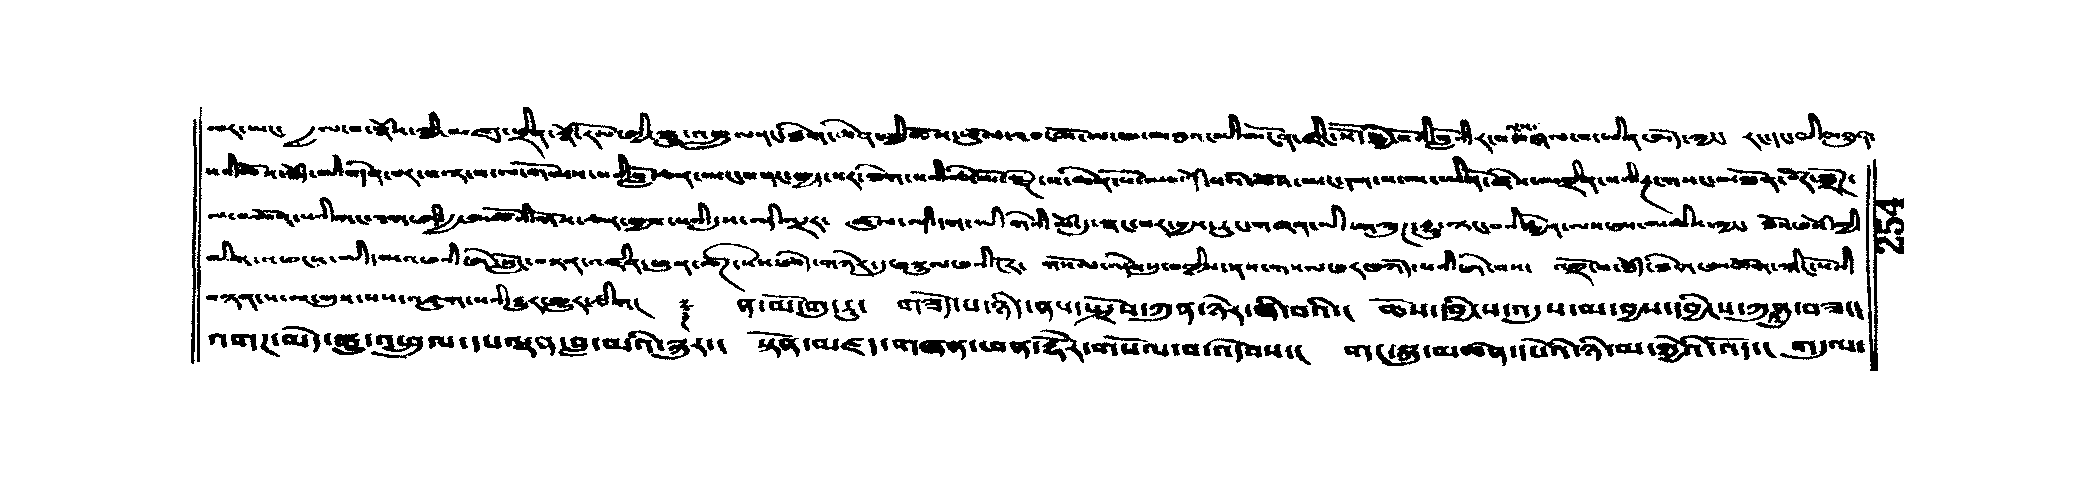ལར་ཡང་རྒྱལ་བ་རྣམས་ཀྱི་མཛད་ཕྲིན་རྣམ་རོལ་གྱི་སྒྱུ་འཕྲུལ་དང་ཐེག་ཆེན་གྱི་ཆོས་ཚུལ་ཟབ་མོ་ལ་ཕ་མཐའ་མི་མངོན་ཞིང་སོ་སོ་སྐྱེ་བོའི་བློའི་ར་བ་ལས་རྒལ་བ་ཡིན་མོད་ཀྱང་། རང་དང་མི་མཐུན་
པའི་ཆོས་ཐམས་ཅད་མི་བདེན་པར་བལྟ་བ་ལ་གོམས་པའི་བློ་ཅན་དང་ཁྱད་པར་ཐེག་པའི་རྩེ་མོ་རྫོགས་པ་ཆེན་པོ་ལས་དམ་པའི་ཆོས་ཡང་དག་པ་མ་ཡིན་ནོ་ཞེས་མགྲིན་པའི་རྔ་གསང་མཐོན་པོར་སྒྲོག་
ལ་བརྩོན་པའི་གང་ཟག་གི་རྒྱ་མཚོའི་གོས་ཅན་ཁྱབ་པའི་དུས་འདི་འདྲར། ཚུལ་འདི་དག་ཡི་གེའི་ལམ་དུ་སྣང་བར་བྱས་རུང་གཞན་ཡིད་ཟུག་རྡུ་ལྡང་བའི་རྐྱེན་ལས་མ་མཆིས་ཀྱང་། ཐོས་བསམ་གྱི་
མིག་འཕངས་མི་དམའ་བའི་དགེ་སློང་བསྟན་འཛིན་ཕུན་ཚོགས་པས་ཆེད་གཉེར་དུ་བསྐུལ་བའི་ངོར། གསོལ་འདེབས་སུ་བགྱིས་ནས་གསལ་བར་བཀོད་པའི་དགེ་བས། འགྲོ་བ་ཐམས་ཅད་ཐེག་མཆོག་སྙིང་པོའི་
བསྟན་པ་ལ་གུས་པས་འཇུག་པའི་རྒྱུར་གྱུར་ཅིག།།༈ ན་མོ་གུ་རུ། གཟོད་མ་ཉིད་ནས་སྤྲོས་ཀུན་ཉེར་ཞི་བའི། །ཆོས་དབྱིངས་འདུས་མ་བྱས་དབྱིངས་ཀུན་ཏུ་བཟང་། །
འགགས་མེད་སྒྱུ་འཕྲུལ་དཔལ་ལྡན་བླ་མའི་སྐུར། །སྟོན་མཛད་གཞན་ཕན་རྡོ་རྗེར་གསོལ་བ་འདེབས། །གང་སྐུ་མཚན་དཔེའི་ཉི་མ་ཐུགས་རྗེའི་འོད། །གདུལ་